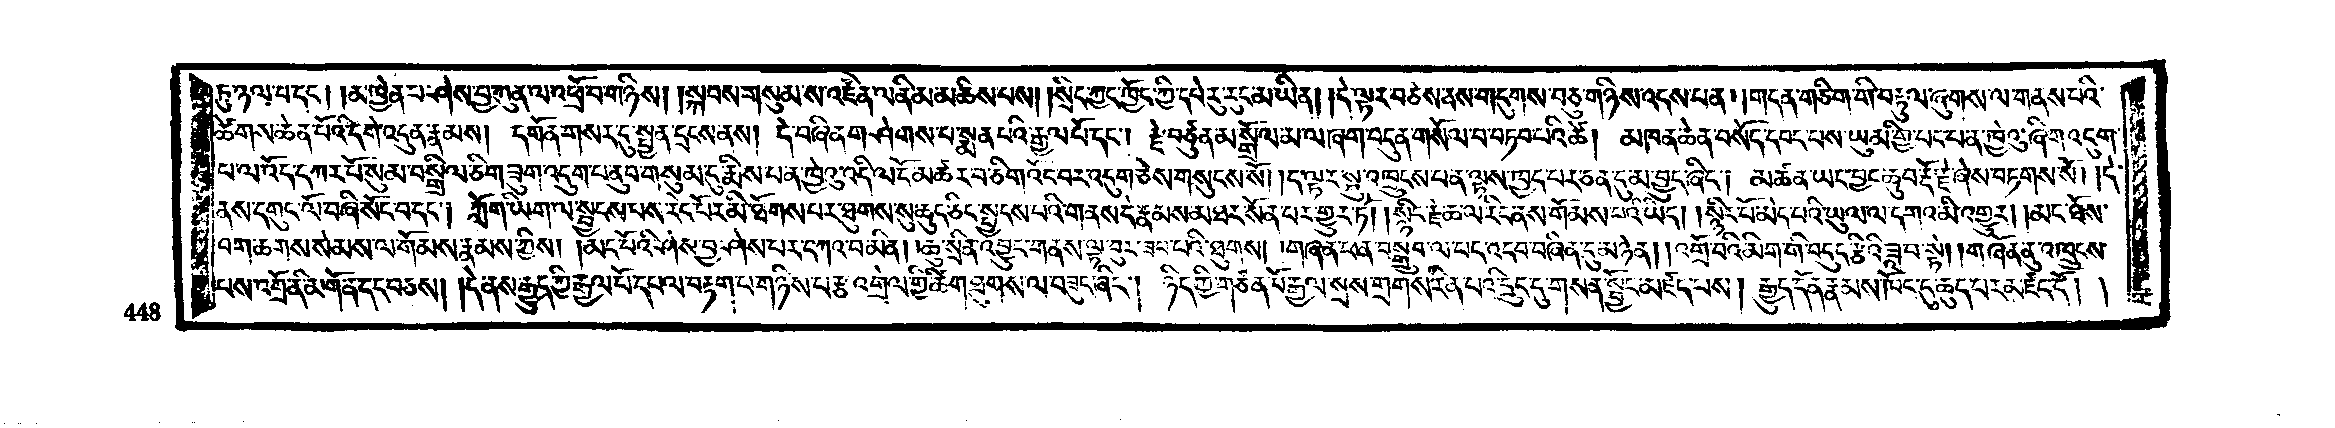ཏུ་ཉལ་པ་དང་། །མཁྱེན་པ་ཤེས་བྱ་ཀུན་ལ་འཕྲོ་བ་གཉིས། །སྐབས་གསུམ་ས་འཛིན་ལ་ནི་མ་མཆིས་པས། །སྲིད་ཀྱང་ཁྱོད་ཀྱི་དཔེ་རུ་རུང་མ་ཡིན། །དེ་ལྟར་བཅེས་ནས་གདུགས་བཅུ་གཉིས་འདས་པ་ན། །གདན་གཅིག་གི་བརྟུལ་ཞུགས་ལ་གནས་པའི་
ཚེགས་ཆེན་པོའི་དགེ་འདུན་རྣམས། དགོན་གསར་དུ་སྤྱན་དྲངས་ནས། །དེ་བཞིན་གཤེགས་པ་སྨན་པའི་རྒྱལ་པོ་དང་། རྗེ་བཙུན་མ་སྒྲོལ་མ་ལ་ཞག་བདུན་གསོལ་བ་བཏབ་པའི་ཚེ། མཁན་ཆེན་བསོད་དབང་པས་ཡུམ་གྱི་པང་པ་ན་ཁྱེའུ་ཞིག་འདུག་
པ་ལ་འོད་དཀར་པོ་སུམ་བསྒྲིལ་ཅིག་ཟུག་འདུག་པ་ནུབ་གསུམ་དུ་རྨིས་པ་ན་ཁྱེའུ་འདི་ལ་ངོ་མཚར་བ་ཅིག་འོང་བར་འདུག་ཅེས་གསུངས་སོ། །དེ་ལྟར་སྐུ་འཁྲུངས་པ་ན་ལྟས་ཁྱད་པར་ཅན་དུ་མ་བྱུང་ཞིང་། མཚན་ཡང་བྱང་ཆུབ་རྡོ་རྗེ་ཞེས་བཏགས་སོ། །དེ་
ནས་དགུང་ལོ་བཞི་སོང་བ་དང་། ཀློག་ཡིག་ལ་སྦྱངས་པས་རིང་པོར་མི་ཐོགས་པར་ཐུགས་སུ་ཆུད་ཅིང་སྦྱངས་པའི་གནས་དེ་རྣམས་མཐར་སོན་པར་གྱུར་ཏོ། །སྙིང་རྗེ་ཆ་ལ་རིང་ནས་གོམས་པའི་ཡིད། །སྙིང་པོ་མེད་པའི་ཡུལ་ལ་དགའ་མི་འགྱུར། །མང་ཐོས་
བག་ཆགས་སེམས་ལ་གོམས་རྣམས་ཀྱིས། །མང་པོའི་ཤེས་བྱ་ཤེས་པར་དཀའ་བ་མིན། །ཆུ་སྲིན་འབྱུང་གནས་ལྟ་བུར་ཟབ་པའི་ཐུགས། །གཞན་ཕན་བསྒྲུབ་ལ་པད་འདབ་བཞིན་དུ་མཉེན། །འགྲོ་བའི་མིག་གི་བདུད་རྩིའི་ཟླ་བ་སྟེ། །གཞོན་ནུ་འཁྲུངས་
པས་འགྲོ་ནི་མགོན་དང་བཅས། །དེ་ནས་རྒྱུད་ཀྱི་རྒྱལ་པོ་དཔལ་བརྟག་པ་གཉིས་པ་རྩ་འགྲེལ་གྱི་ཚིག་ཐུགས་ལ་བཟུང་ཞིང་། ཉིད་ཀྱི་གཙན་པོ་རྒྱལ་སྲས་གྲགས་རིན་པའི་དྲུང་དུ་གསན་སྦྱོང་མཛད་པས། རྒྱུད་དོན་རྣམས་ཁོང་དུ་ཆུད་པར་མཛད་དོ། །